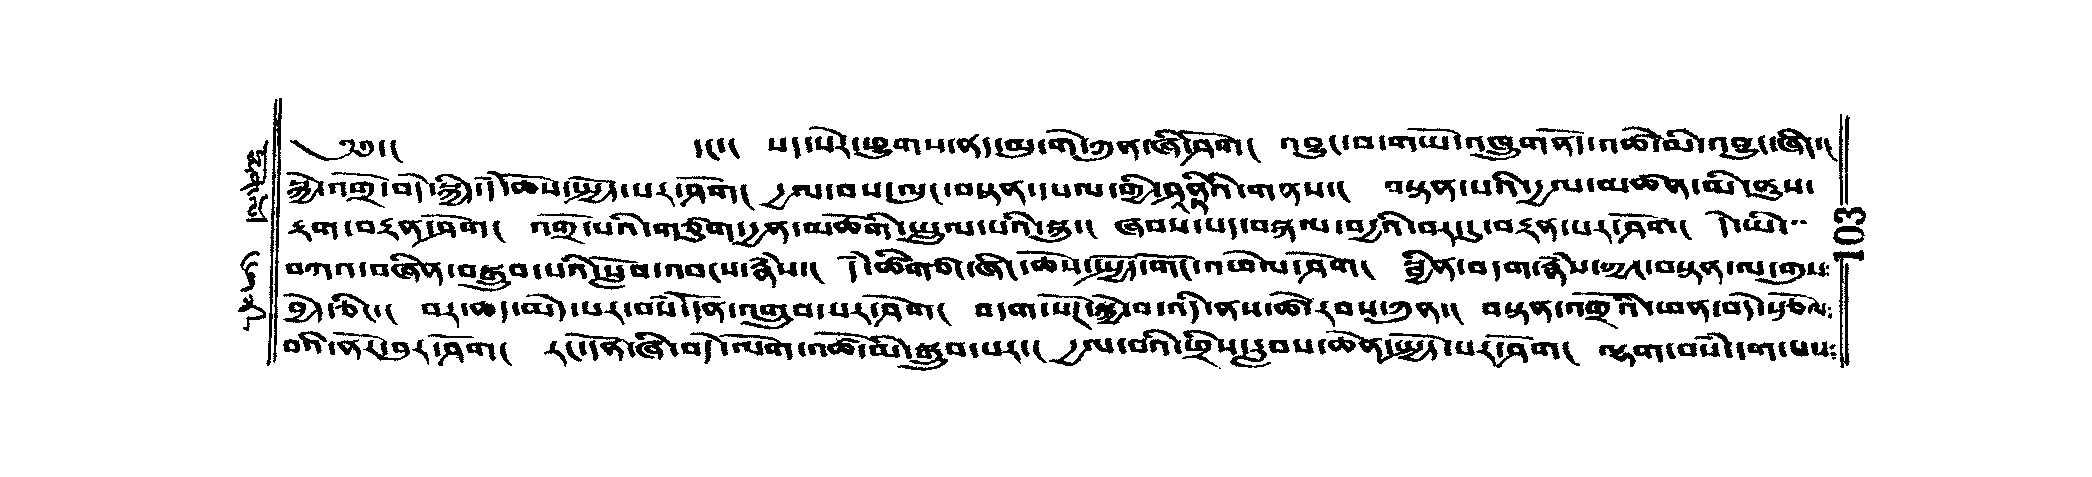དང་། །སད་སེར་ཕྱུགས་ནད་མུ་གེ་ཀུན་ཞི་ཤོག །འབྱུང་བ་གཡོ་འཁྲུག་གནོད་འཚེ་མི་འབྱུང་ཞིང་། །
སྐྱེ་འགྲོ་བདེ་སྐྱིད་དམ་ཆོས་སྤྱོད་པར་ཤོག །རྒྱལ་བས་ལུང་བསྟན་དཔལ་གྱི་ཤཱནྟིའི་གནས། །བསྟན་པའི་རྒྱལ་མཚན་མི་ནུས་
རྟག་བརྟན་ཤོག །འགྲོ་པའི་གཙུག་རྒྱན་མཆོག་གི་སྤྲུལ་པའི་སྐུ། །ཞབས་པད་བསྐལ་བརྒྱའི་བར་དུ་བརྟན་པར་ཤོག །དེ་ཡི་
བཀའ་བཞིན་བསྒྲུབ་པའི་སློབ་འབངས་རྣམས། །དམ་ཚིག་གཙང་ཞིང་ཆོས་སྤྱོད་གོང་འཕེལ་ཤོག།སྦྱིན་བདག་རྣམས་ཀྱང་བསྟན་ལ་གུས་
བྱེད་ཅིང་། །བར་ཆད་མེད་པར་བསམ་དོན་འགྲུབ་པར་ཤོག །བདག་སོགས་སྐྱེ་བ་འདི་ནས་ཚེ་རབས་ཀུན། །བསྟན་འགྲོའི་ཕན་བདེ་སྩོལ་
བའི་ནོར་བུར་ཤོག །རང་དོན་ཞི་བདེ་ལོག་འཚོ་མི་སྒྲུབ་པར། །རྒྱལ་བའི་ཕྲིན་ལས་རླབས་ཆེན་སྤྱོད་པར་ཤོག །ལྷག་བསམ་དག་པས་